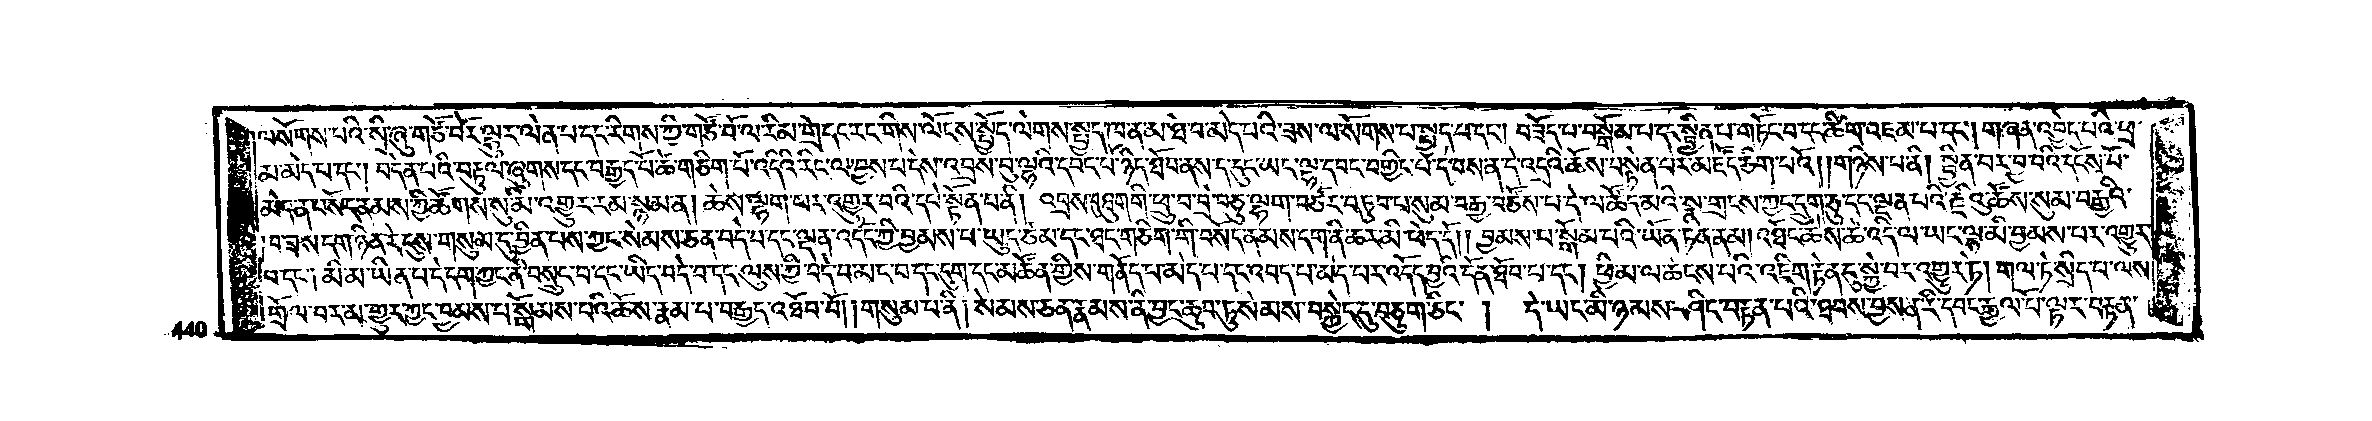ལ་སོགས་པའི་སྲི་ཞུ་གཙོ་བོར་ལྷུར་ལེན་པ་དང་རིགས་ཀྱི་གཙོ་བོ་ལ་རིམ་གྲོ་དང་རང་གིས་ལོངས་སྤྱོད་ལེགས་སྤྱད་ཁ་ན་མ་ཐོ་བ་མེད་པའི་ཟས་ལ་སོགས་པ་སྤྱད་པ་དང་། བཟོད་པ་བསྒོམ་པ་དང་སྦྱིན་པ་གཏོང་བ་དང་ཚིག་འཇམ་པ་དང་། གཞན་འབྱེད་པའི་ཕྲ་
མ་མེད་པ་དང་། བདེན་པའི་བརྟུལ་ཞུགས་དང་བརྒྱད་པོ་ཚེ་གཅིག་པོ་འདིའི་རིང་ལ་བྱས་པ་དེས་འབྲས་བུ་ལྷའི་དབང་པོ་ཉིད་ཐོབ་ནས་ད་དུང་ཡང་ལྷ་དབང་བགྱིད་པ་དེ་བས་ན་དེ་འདྲའི་ཆོས་བསྟེན་པར་མཛོད་ཅིག་པའོ། །གཉིས་པ་ནི། སྦྱིན་པར་བྱ་བའི་དངོས་པོ་
མེད་ན་བསོད་ནམས་ཀྱི་ཚོགས་སུ་མི་འགྱུར་རམ་སྙམ་ན། ཆེས་ལྷག་པར་འགྱུར་བའི་དཔེ་སྟོན་པ་ནི། འབྲས་བུ་ཐུག་གི་ཕྲུ་བ་བྲ་བཅུ་ལྷག་བཙར་བཏུབ་པ་སུམ་བརྒྱ་བཙོས་པ་དེ་ལ་ཚོད་མའི་སྣ་གྲངས་ཀྱང་དྲུག་ཅུ་དང་ལྡན་པའི་རྗིའུ་ཚོས་སུམ་བརྒྱའི་
ཁ་ཟས་དག་ཉིན་རེ་དུས་གསུམ་དུ་བྱིན་པས་ཀྱང་སེམས་ཅན་བདེ་བ་དང་ལྡན་འདོད་ཀྱི་བྱམས་པ་ཡུད་ཙམ་དང་ཐང་གཅིག་གི་བསོད་ནམས་དག་ནི་ཆར་མི་ཕེད་དོ། །བྱམས་པ་སྒོམ་པའི་ཡོན་ཏན་ནམ། འཐོང་ཆེས་ཚེ་འདི་ལ་ཡང་ལྷ་མི་བྱམས་པར་འགྱུར་
བ་དང་། མི་མ་ཡིན་པ་དེ་དག་ཀྱང་ནི་བསྲུང་བ་དང་ཡིད་བདེ་བ་དང་ལུས་ཀྱི་བདེ་བ་མང་བ་དང་དུག་དང་མཚོན་གྱིས་གནོད་པ་མེད་པ་དང་འབད་པ་མེད་པར་འདོད་བྱའི་དོན་ཐོབ་པ་དང་། ཕྱི་མ་ལ་ཚོངས་པའི་འཇིག་རྟེན་དུ་སྐྱེ་བར་འགྱུར་ཏེ། གལ་ཏེ་སྲིད་པ་ལས་
གྲོལ་བར་མ་གྱུར་ཀྱང་བྱམས་པ་སྒོམས་པའི་ཆོས་རྣམ་པ་བརྒྱད་འཐོབ་བོ། །གསུམ་པ་ནི། སེམས་ཅན་རྣམས་ནི་བྱང་ཆུབ་ཏུ་སེམས་བསྐྱེད་དུ་བཅུག་ཅིང་། དེ་ཡང་མི་ཉམས་ཤིང་བརྟན་པའི་ཐབས་བྱས་ན་རི་དབང་རྒྱལ་པོ་ལྟར་བརྟན་